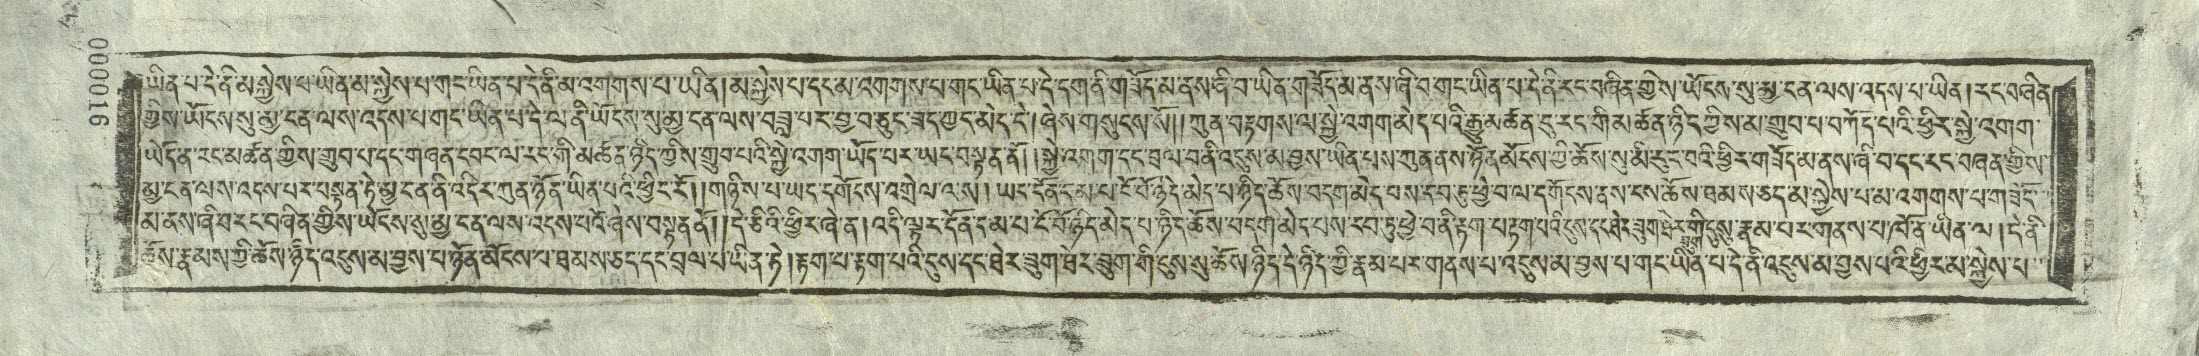ཡིན་པ་དེ་ནི་མ་སྐྱེས་པ་ཡིན་མ་སྐྱེས་པ་གང་ཡིན་པ་དེ་ནི་མ་འགགས་པ་ཡིན་ན། མ་སྐྱེས་པ་དང་མ་འགགས་པ་གང་ཡིན་པ་དེ་དག་ནི་གཟོད་མ་ནས་ཞི་བ་ཡིན་གཟོད་མ་ནས་ཞི་བ་གང་ཡིན་པ་དེ་ནི་རང་བཞིན་གྱིས་ཡོངས་སུ་མྱ་ངན་ལས་འདས་པ་ཡིན། རང་བཞིན་
གྱིས་ཡོངས་སུ་མྱ་ངན་ལས་འདས་པ་གང་ཡིན་པ་དེ་ལ་ནི་ཡོངས་སུ་མྱ་ངན་ལས་བཟླ་བར་བྱ་བ་ཅུང་ཟད་ཀྱང་མེད་དེ། ཞེས་གསུངས་སོ། །ཀུན་བརྟགས་ལ་སྐྱེ་འགག་མེད་པའི་རྒྱུ་མཚན་དུ་རང་གི་མཚན་ཉིད་ཀྱིས་མ་གྲུབ་པ་བཀོད་པའི་ཕྱིར་སྐྱེ་འགག་
ཡོད་ན་རང་མཚན་གྱིས་གྲུབ་པ་དང་གཞན་དབང་ལ་རང་གི་མཚན་ཉིད་ཀྱིས་གྲུབ་པའི་སྐྱེ་འགག་ཡོད་པར་ཡང་བསྟན་?་ནོ། །སྐྱེ་འགག་དང་བྲལ་བ་ནི་འདུས་མ་བྱས་ཡིན་པས་ཀུན་ནས་ཉོན་མོངས་ཀྱི་ཆོས་སུ་མི་རུང་བའི་ཕྱིར་གཟོད་མ་ནས་ཞི་བ་དང་རང་བཞན་གྱིས་
མྱ་ངན་ལས་འདས་པར་བསྟན་ཏེ་མྱ་ངན་ནི་འདིར་ཀུན་ཉོན་ཡིན་པའི་ཕྱིར་རོ། །གཉིས་པ་ཡང་དགོངས་འགྲེལ་ལས། ཡང་དོན་དམ་པ་ངོ་བོ་ཉིད་མེད་པ་ཉིད་ཆོས་བདག་མེད་པས་རབ་ཏུ་ཕྱེ་བ་ལ་དགོངས་ནས་ངས་ཆོས་ཐམས་ཅད་མ་སྐྱེས་པ་མ་འགགས་པ་གཟོད་
མ་ནས་ཞི་བ་རང་བཞིན་གྱིས་ཡོངས་སུ་མྱ་ངན་ལས་འདས་པའོ་ཞེས་བསྟན་ནོ། །དེ་ཅིའི་ཕྱིར་ཞེ་ན། འདི་ལྟར་དོན་དམ་པ་ངོ་བོ་ཉིད་མེད་པ་ཉིད་ཆོས་བདག་མེད་པས་རབ་ཏུ་ཕྱེ་བ་ནི་རྟག་པ་རྟག་པའི་དུས་དང་ཐེར་ཟུག་ཐེར་ཟུག་གི་དུས་སུ་རྣམ་པར་གནས་པ་ཁོ་ན་ཡིན་ལ། དེ་ནི་
ཆོས་རྣམས་ཀྱི་ཆོས་?་ཉིད་འདུས་མ་བྱས་པ་ཉོན་མོངས་པ་ཐམས་ཅད་དང་བྲལ་པ་ཡིན་ཏེ། རྟག་པ་རྟག་པའི་དུས་དང་ཐེར་ཟུག་ཐེར་ཟུག་གི་དུས་སུ་ཆོས་ཉིད་དེ་ཉིད་ཀྱི་རྣམ་པར་གནས་པ་འདུས་མ་བྱས་པ་གང་ཡིན་པ་དེ་ནི་འདུས་མ་བྱས་པའི་ཕྱིར་མ་སྐྱེས་པ་